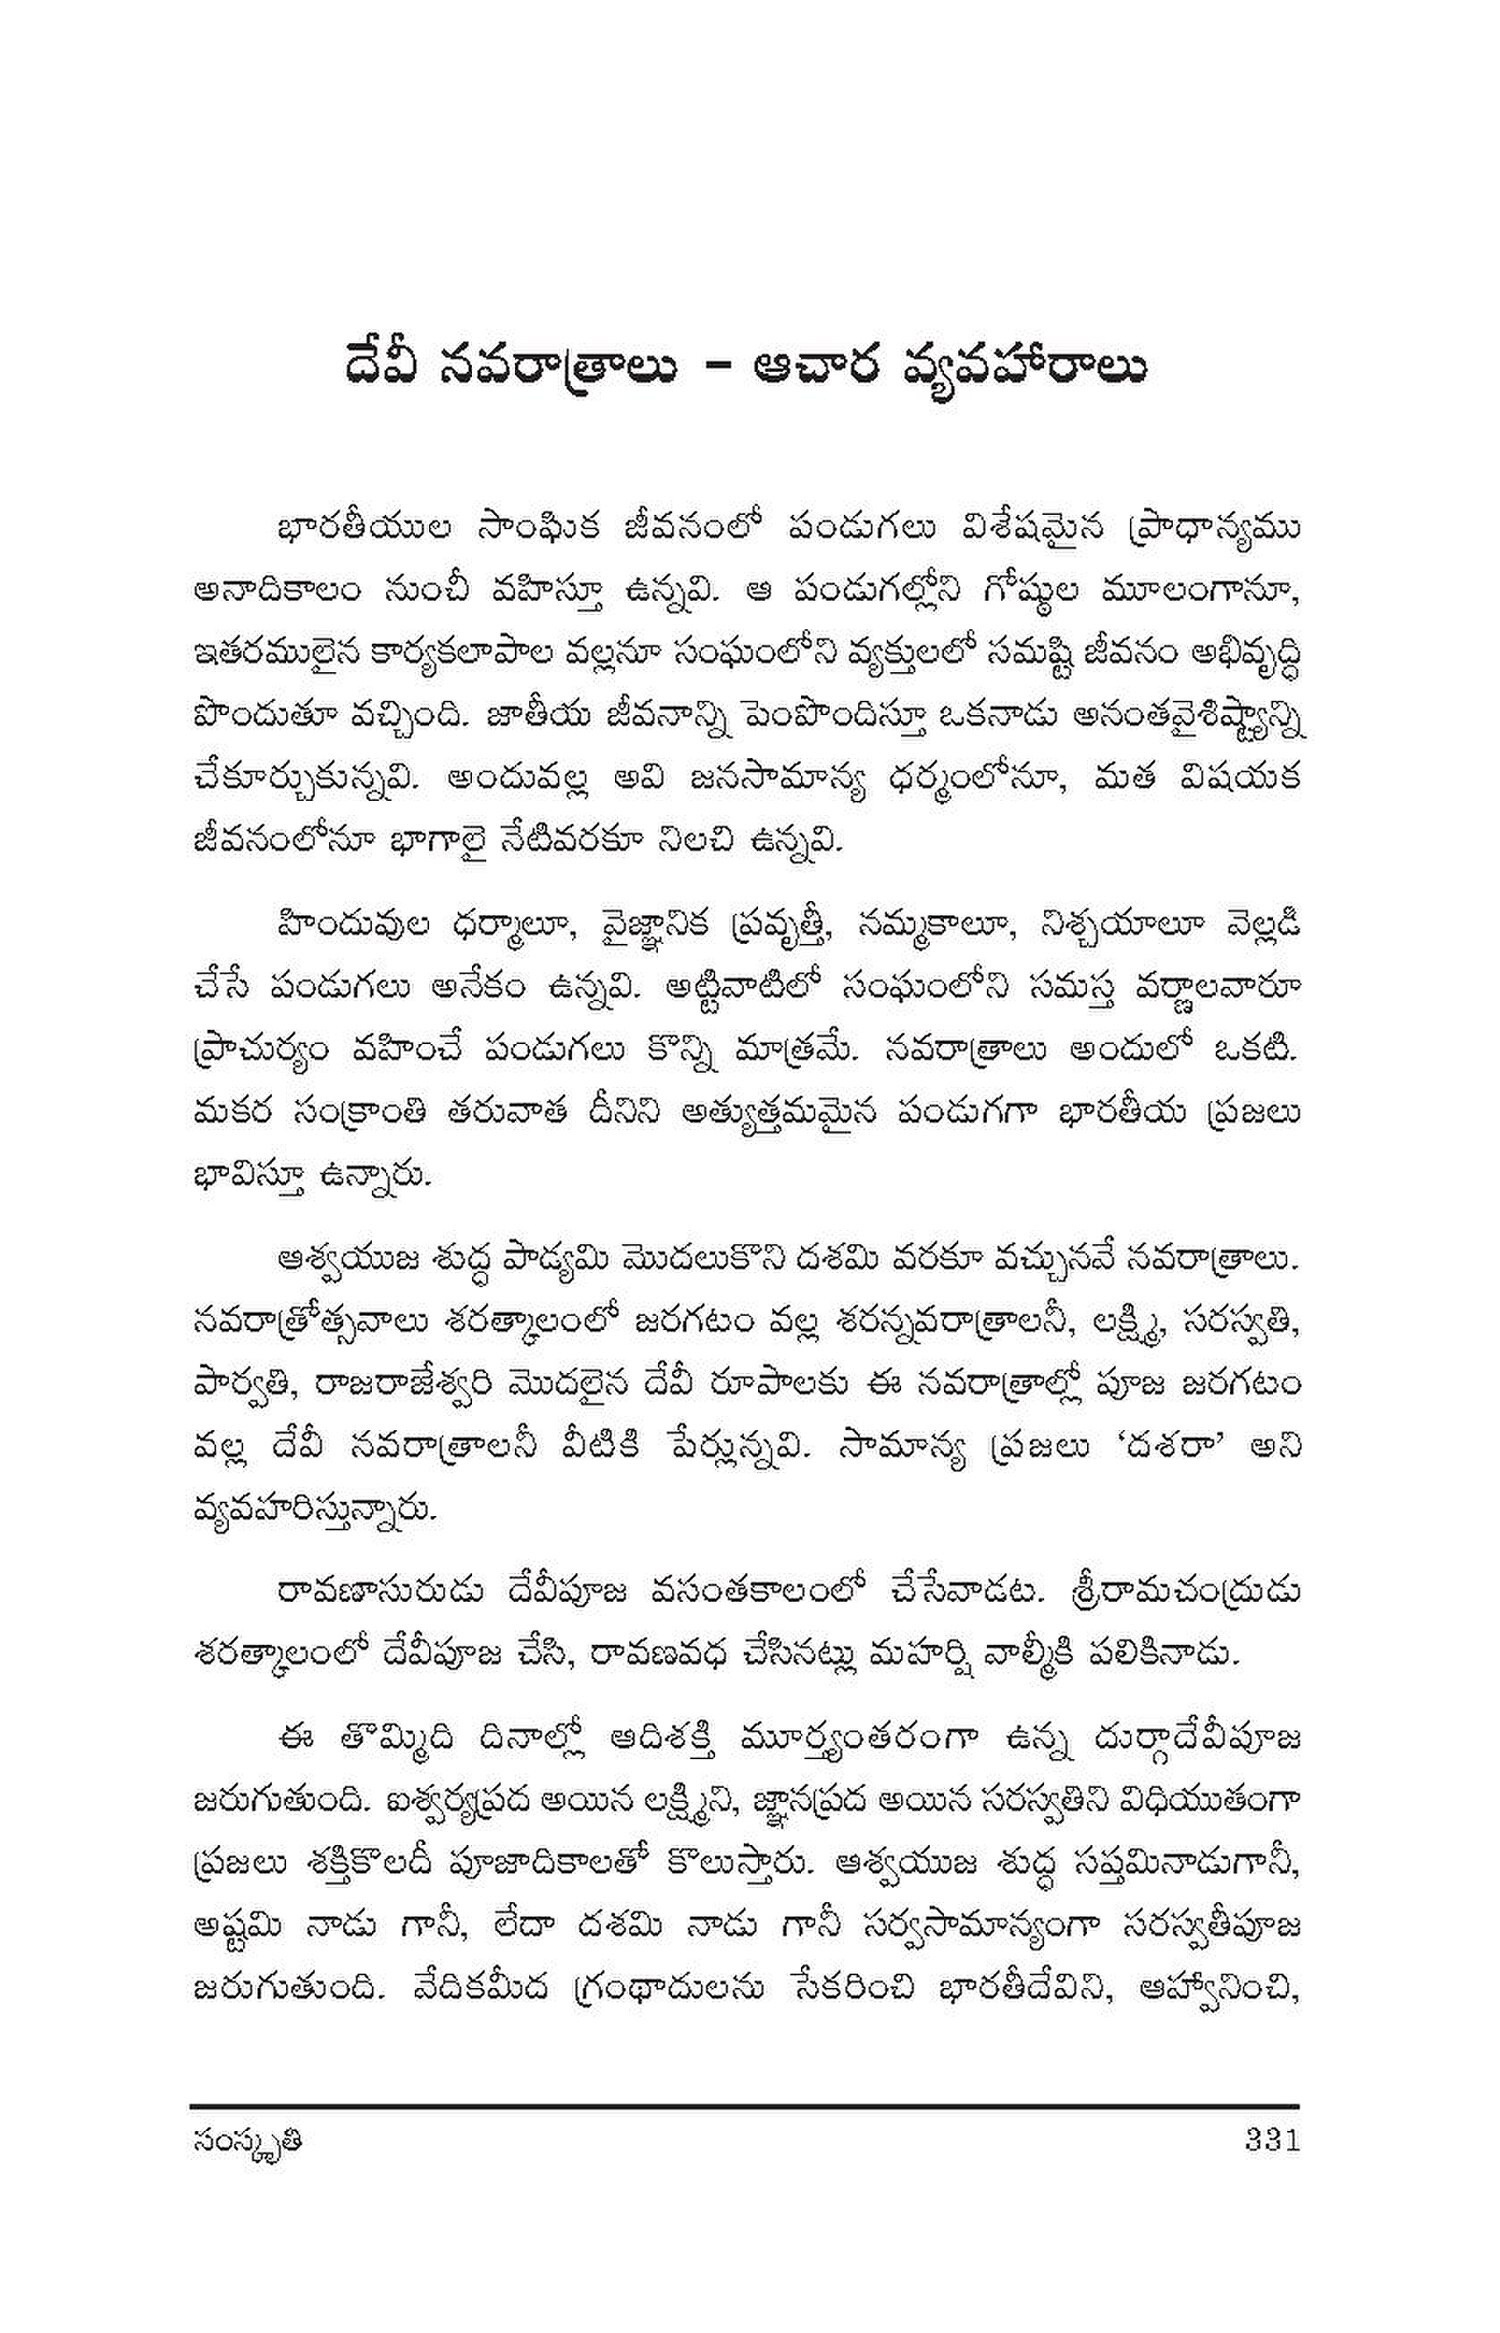దేవీ నవరాత్రాలు - ఆచార వ్యవహారాలు

భారతీయుల సాంఘిక జీవనంలో పండుగలు విశేషమైన ప్రాధాన్యము
అనాదికాలం నుంచీ వహిస్తూ ఉన్నవి. ఆ పండుగల్లోని గోష్ఠుల మూలంగానూ,
ఇతరములైన కార్యకలాపాల వల్లనూ సంఘంలోని వ్యక్తులలో సమష్టి జీవనం అభివృద్ధి
పొందుతూ వచ్చింది. జాతీయ జీవనాన్ని పెంపొందిస్తూ ఒకనాడు అనంతవైశిష్ట్యాన్ని
చేకూర్చుకున్నవి. అందువల్ల అవి జనసామాన్య ధర్మంలోనూ, మత విషయక
జీవనంలోనూ భాగాలై నేటివరకూ నిలచి ఉన్నవి.

హిందువుల ధర్మాలూ, వైజ్ఞానిక ప్రవృత్తి, నమ్మకాలూ, నిశ్చయాలూ వెల్లడి
చేసే పండుగలు అనేకం ఉన్నవి. అట్టివాటిలో సంఘంలోని సమస్త వర్ణాలవారూ
ప్రాచుర్యం వహించే పండుగలు కొన్ని మాత్రమే. నవరాత్రాలు అందులో ఒకటి.
మకర సంక్రాంతి తరువాత దీనిని అత్యుత్తమమైన పండుగగా భారతీయ ప్రజలు
భావిస్తూ ఉన్నారు.

ఆశ్వయుజ శుద్ధ పాడ్యమి మొదలుకొని దశమి వరకూ వచ్చునవే నవరాత్రాలు.
నవరాత్రోత్సవాలు శరత్కాలంలో జరగటం వల్ల శరన్నవరాత్రాలనీ, లక్ష్మి, సరస్వతి,
పార్వతి, రాజరాజేశ్వరి మొదలైన దేవీ రూపాలకు ఈ నవరాత్రాల్లో పూజ జరగటం
వల్ల దేవీ నవరాత్రాలనీ వీటికి పేర్లున్నవి. సామాన్య ప్రజలు 'దశరా' అని
వ్యవహరిస్తున్నారు.

రావణాసురుడు దేవీపూజ వసంతకాలంలో చేసేవాడట. శ్రీరామచంద్రుడు
శరత్కాలంలో దేవీపూజ చేసి, రావణవధ చేసినట్లు మహర్షి వాల్మీకి పలికినాడు.

ఈ తొమ్మిది దినాల్లో ఆదిశక్తి మూర్త్యంతరంగా ఉన్న దుర్గాదేవీపూజ
జరుగుతుంది. ఐశ్వర్యప్రద అయిన లక్ష్మిని, జ్ఞానప్రద అయిన సరస్వతిని విధియుతంగా
ప్రజలు శక్తికొలదీ పూజాదికాలతో కొలుస్తారు. ఆశ్వయుజ శుద్ధ సప్తమినాడుగానీ,
అష్టమి నాడు గానీ, లేదా దశమి నాడు గానీ సర్వసామాన్యంగా సరస్వతీపూజ
జరుగుతుంది. వేదికమీద గ్రంథాదులను సేకరించి భారతీదేవిని, ఆహ్వానించి,